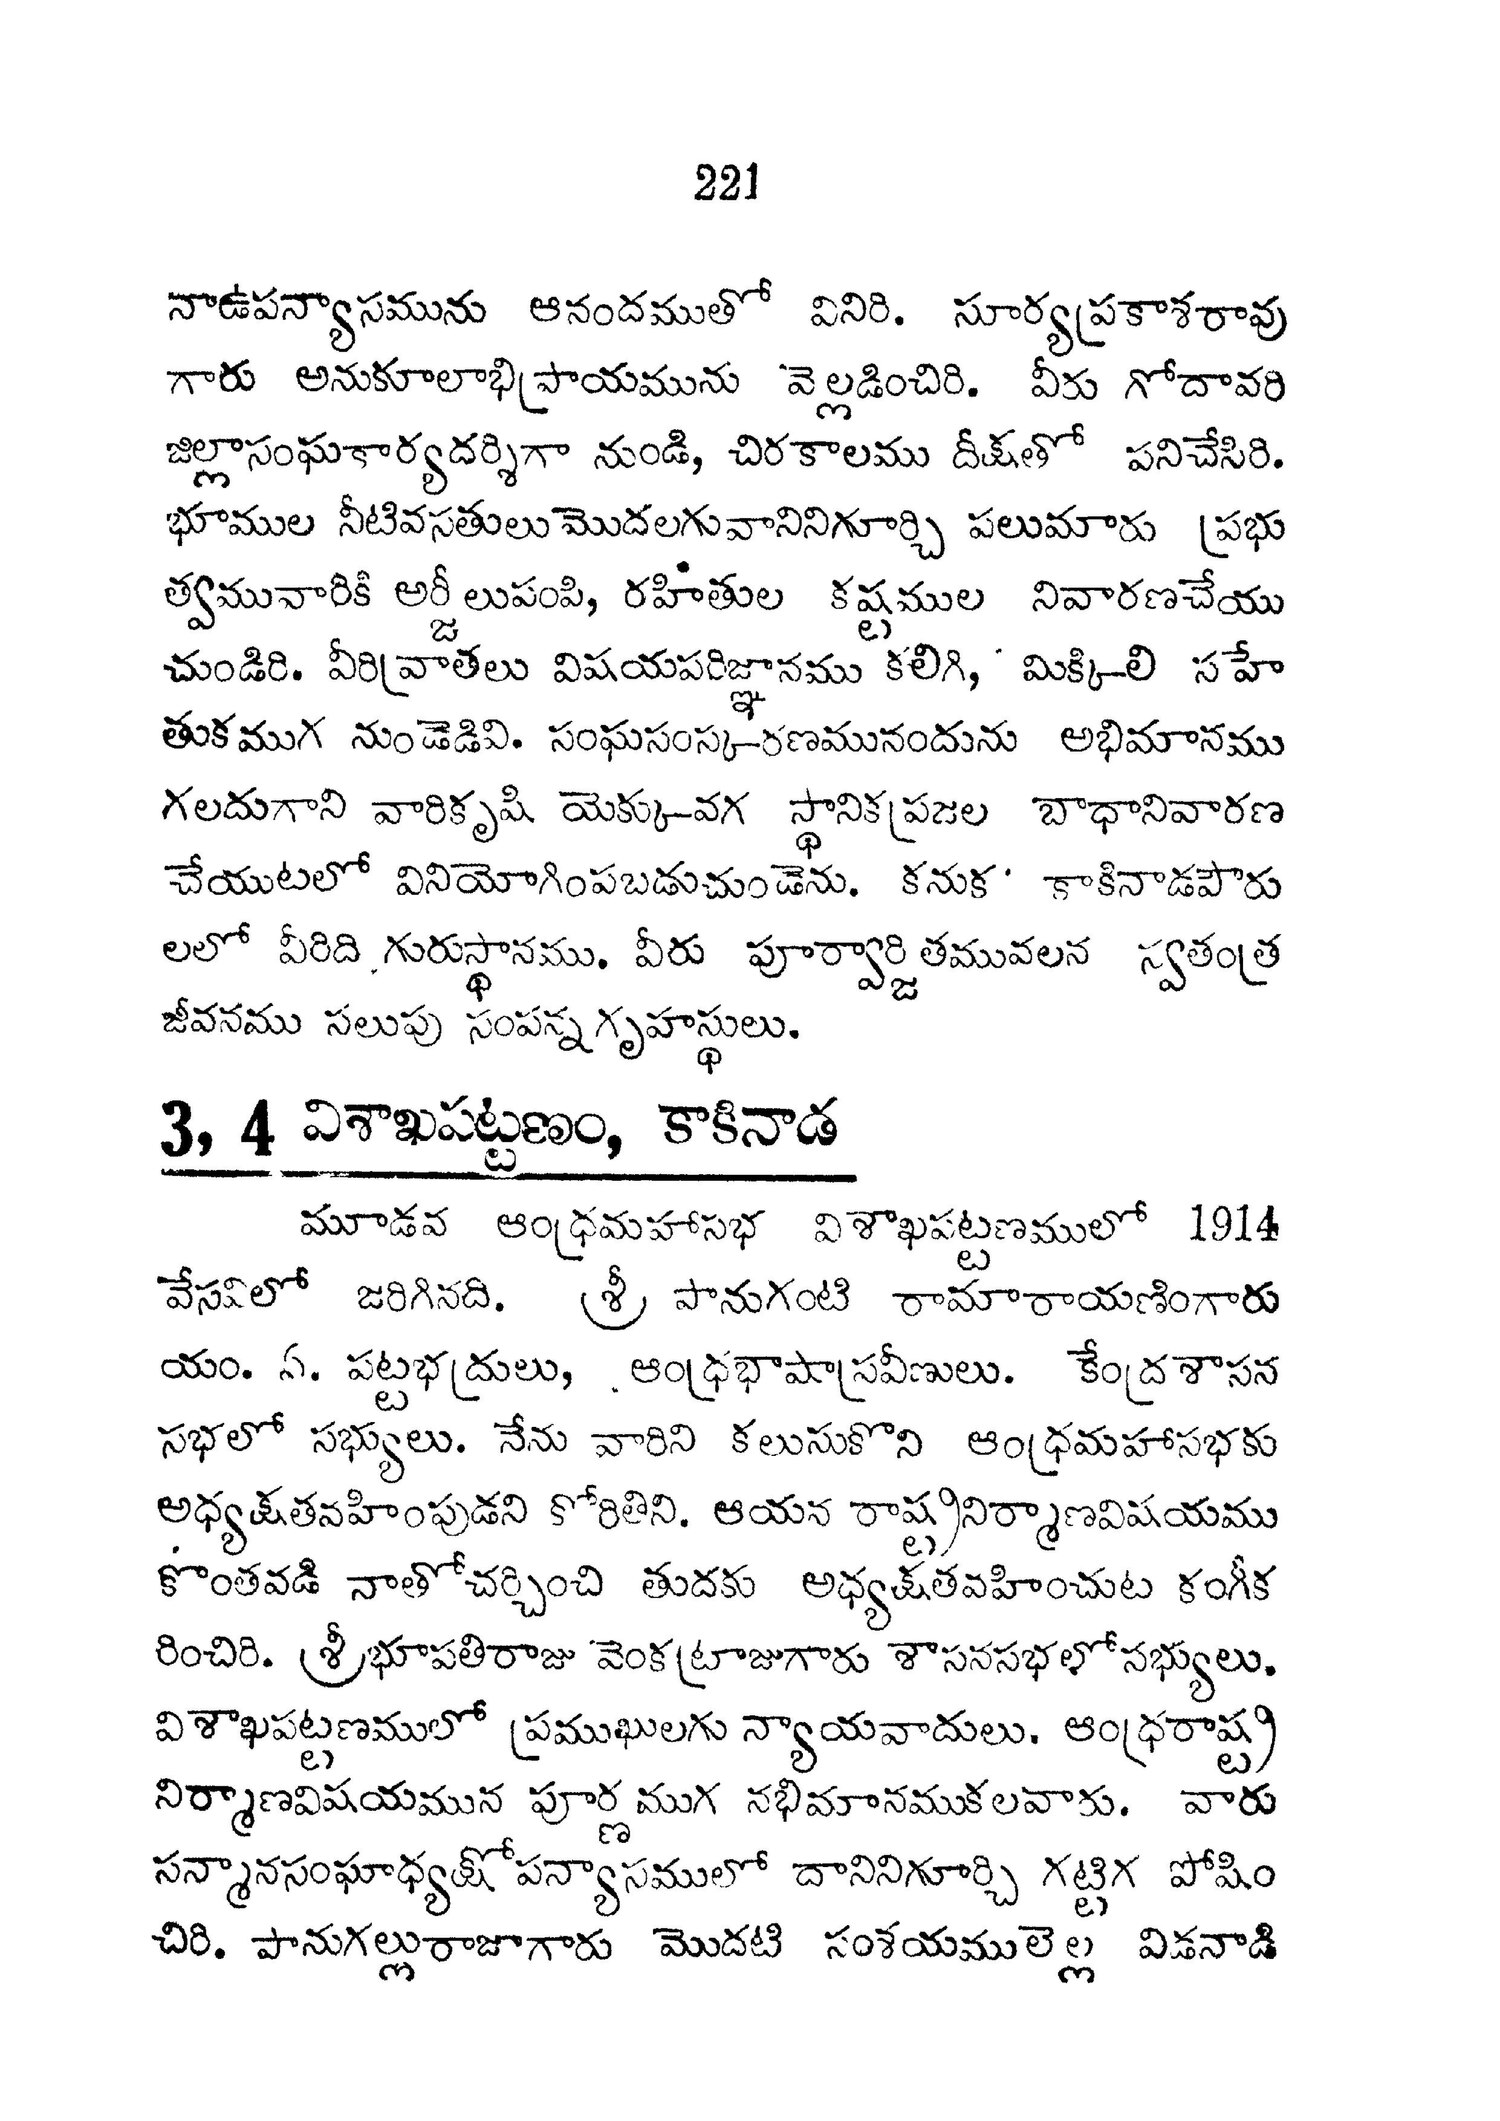నాఉపన్యాసమును ఆనందముతో వినిరి. సూర్యప్రకాశరావుగారు అనుకూలాభిప్రాయమును వెల్లడించిరి. వీరు గోదావరిజిల్లాసంఘకార్యదర్శిగా నుండి, చిరకాలము దీక్షతో పనిచేసిరి. భూముల నీటివసతులు మొదలగువానినిగూర్చి పలుమారు ప్రభుత్వమువారికి అర్జీలుపంపి, రహితుల కష్టముల నివారణచేయు చుండిరి. వీరివ్రాతలు విషయపరిజ్ఞానము కలిగి, మిక్కిలి సహేతుకముగ నుండెడివి. సంఘసంస్కరణమునందును అభిమానము గలదుగాని వారికృషి యెక్కువగ స్థానికప్రజల బాధానివారణ చేయుటలో వినియోగింపబడుచుండెను. కనుక కాకినాడపౌరులలో వీరిది గురుస్థానము. వీరు పూర్వార్జితమువలన స్వతంత్ర జీవనము సలుపు సంపన్నగృహస్థులు.

మూడవ ఆంధ్రమహాసభ విశాఖపట్టణములో 1914 వేసవిలో జరిగినది. శ్రీ పానుగంటి రామారాయణింగారు యం. ఏ. పట్టభద్రులు, ఆంధ్రభాషాప్రవీణులు. కేంద్రశాసనసభలో సభ్యులు. నేను వారిని కలుసుకొని ఆంధ్రమహాసభకు అధ్యక్షతవహింపుడని కోరితిని. ఆయన రాష్ట్రనిర్మాణవిషయము కొంతవడి నాతోచర్చించి తుదకు అధ్యక్షతవహించుటకు కంగీకరించిరి. శ్రీభూపతిరాజు వెంకట్రాజుగారు శాసనసభలోసభ్యులు. విశాఖపట్టణములో ప్రముఖులగు న్యాయవాదులు. ఆంధ్రరాష్ట్ర నిర్మాణవిషయమున పూర్ణముగ నభిమానముకలవారు. వారు సన్మానసంఘాధ్యక్షోపన్యాసములో దానినిగూర్చి గట్టిగ పోషించిరి. పానుగల్లురాజాగారు మొదటి సంశయములెల్ల విడనాడి